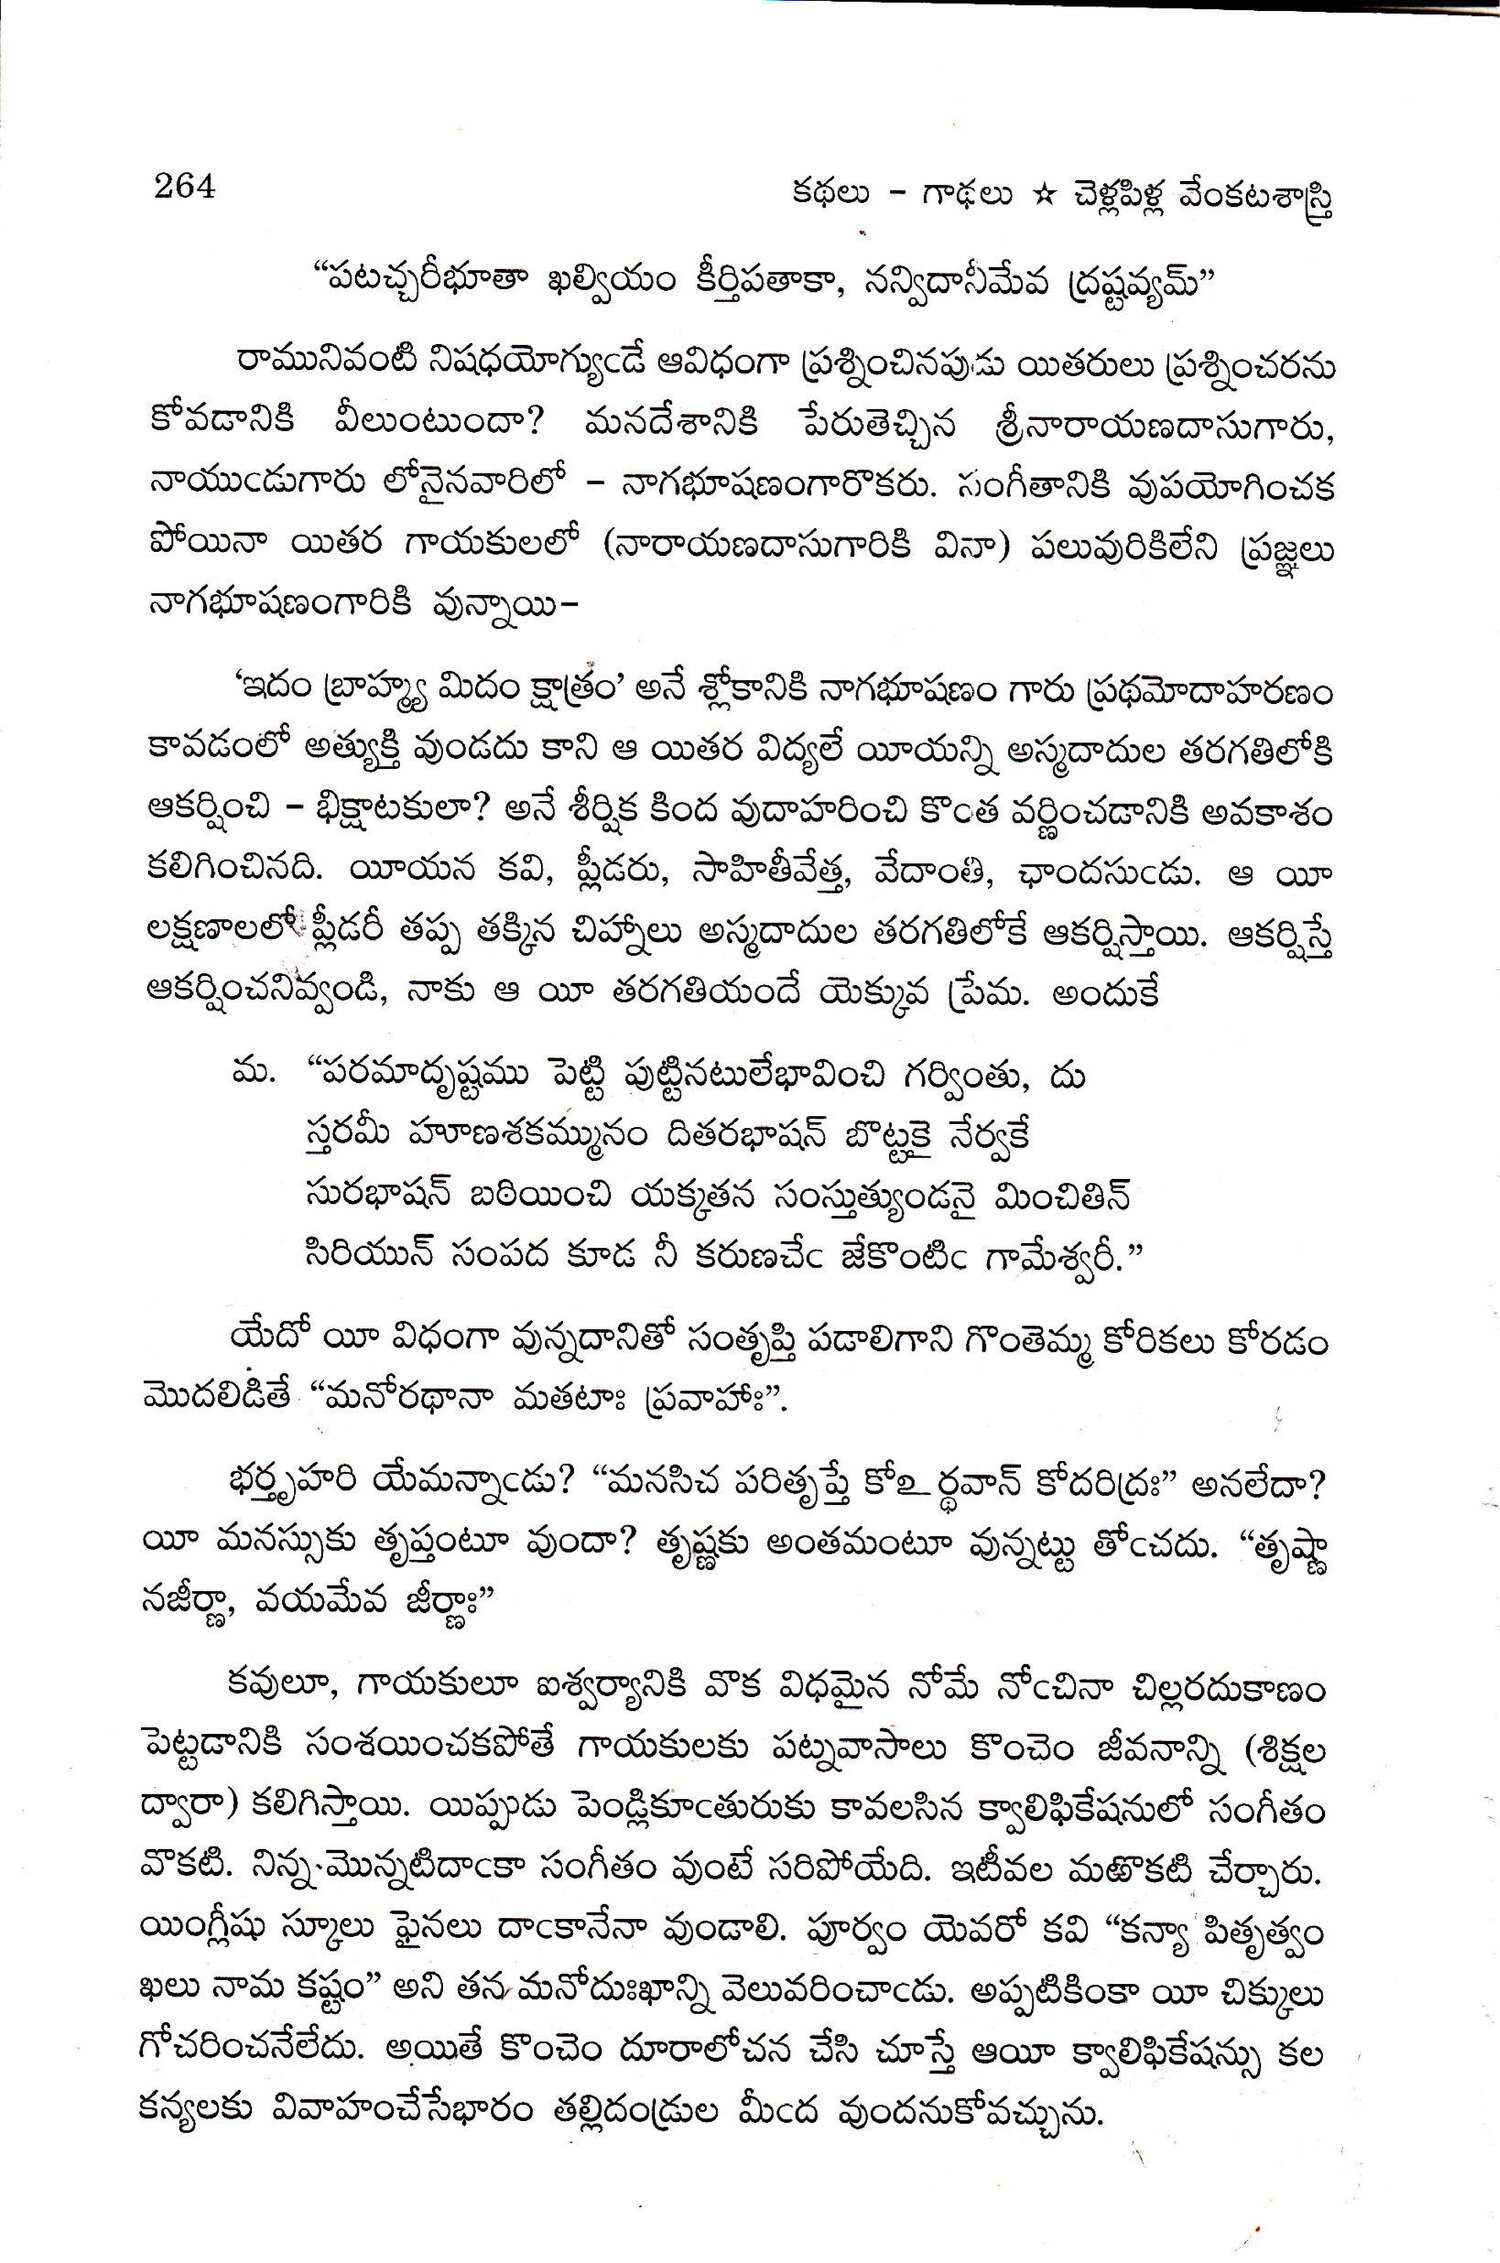“పటచ్చరీభూతా ఖల్వియం కీర్తిపతాకా, నన్విదానీమేవ ద్రష్టవ్యమ్"
రామునివంటి నిషధయోగ్యుఁడే ఆవిధంగా ప్రశ్నించినపుడు యితరులు ప్రశ్నించరను కోవడానికి వీలుంటుందా? మనదేశానికి పేరుతెచ్చిన శ్రీనారాయణదాసుగారు, నాయుఁడుగారు లోనైనవారిలో - నాగభూషణంగారొకరు. సంగీతానికి వుపయోగించక పోయినా యితర గాయకులలో (నారాయణదాసుగారికి వినా) పలువురికిలేని ప్రజ్ఞలు నాగభూషణంగారికి వున్నాయి-

'ఇదం బ్రాహ్మ్య మిదం క్షాత్రం' అనే శ్లోకానికి నాగభూషణం గారు ప్రథమోదాహరణం కావడంలో అత్యుక్తి వుండదు కాని ఆ యితర విద్యలే యీయన్ని అస్మదాదుల తరగతిలోకి ఆకర్షించి - భిక్షాటకులా? అనే శీర్షిక కింద వుదాహరించి కొంత వర్ణించడానికి అవకాశం కలిగించినది. యీయన కవి, ప్లీడరు, సాహితీవేత్త, వేదాంతి, ఛాందసుఁడు. ఆ యీ లక్షణాలలో ప్లీడరీ తప్ప తక్కిన చిహ్నాలు అస్మదాదుల తరగతిలోకే ఆకర్షిస్తాయి. ఆకర్షిస్తే ఆకర్షించనివ్వండి, నాకు ఆ యీ తరగతియందే యెక్కువ ప్రేమ. అందుకే

మ. "పరమాదృష్టము పెట్టి పుట్టినటులేభావించి గర్వింతు, దు 
 స్తరమీ హూణశకమ్మునం దితరభాషన్ బొట్టకై నేర్వకే 
 సురభాషన్ బఠియించి యక్కతన సంస్తుత్యుండనై మించితిన్ 
 సిరియున్ సంపద కూడ నీ కరుణచేఁ జేకొంటిఁ గామేశ్వరీ.”
యేదో యీ విధంగా వున్నదానితో సంతృప్తి పడాలిగాని గొంతెమ్మ కోరికలు కోరడం మొదలిడితే “మనోరథానా మతటాః ప్రవాహాః".

భర్తృహరి యేమన్నాఁడు? “మనసిచ పరితృప్తే కో౽ర్థవాన్ కోదరిద్రః" అనలేదా? యీ మనస్సుకు తృప్తంటూ వుందా? తృష్ణకు అంతమంటూ వున్నట్టు తోఁచదు. “తృష్ణా నజీర్ణా, వయమేవ జీర్ణాః"

కవులూ, గాయకులూ ఐశ్వర్యానికి వొక విధమైన నోమే నోఁచినా చిల్లరదుకాణం పెట్టడానికి సంశయించకపోతే గాయకులకు పట్నవాసాలు కొంచెం జీవనాన్ని (శిక్షల ద్వారా) కలిగిస్తాయి. యిప్పుడు పెండ్లికూఁతురుకు కావలసిన క్వాలిఫికేషనులో సంగీతం వొకటి. నిన్నమొన్నటిదాఁకా సంగీతం వుంటే సరిపోయేది. ఇటీవల మఱొకటి చేర్చారు. యింగ్లీషు స్కూలు ఫైనలు దాఁకానేనా వుండాలి. పూర్వం యెవరో కవి “కన్యా పితృత్వం ఖలు నామ కష్టం" అని తన మనోదుఃఖాన్ని వెలువరించాఁడు. అప్పటికింకా యీ చిక్కులు గోచరించనేలేదు. అయితే కొంచెం దూరాలోచన చేసి చూస్తే ఆయీ క్వాలిఫికేషన్సు కల కన్యలకు వివాహంచేసేభారం తల్లిదండ్రుల మీఁద వుందనుకోవచ్చును.